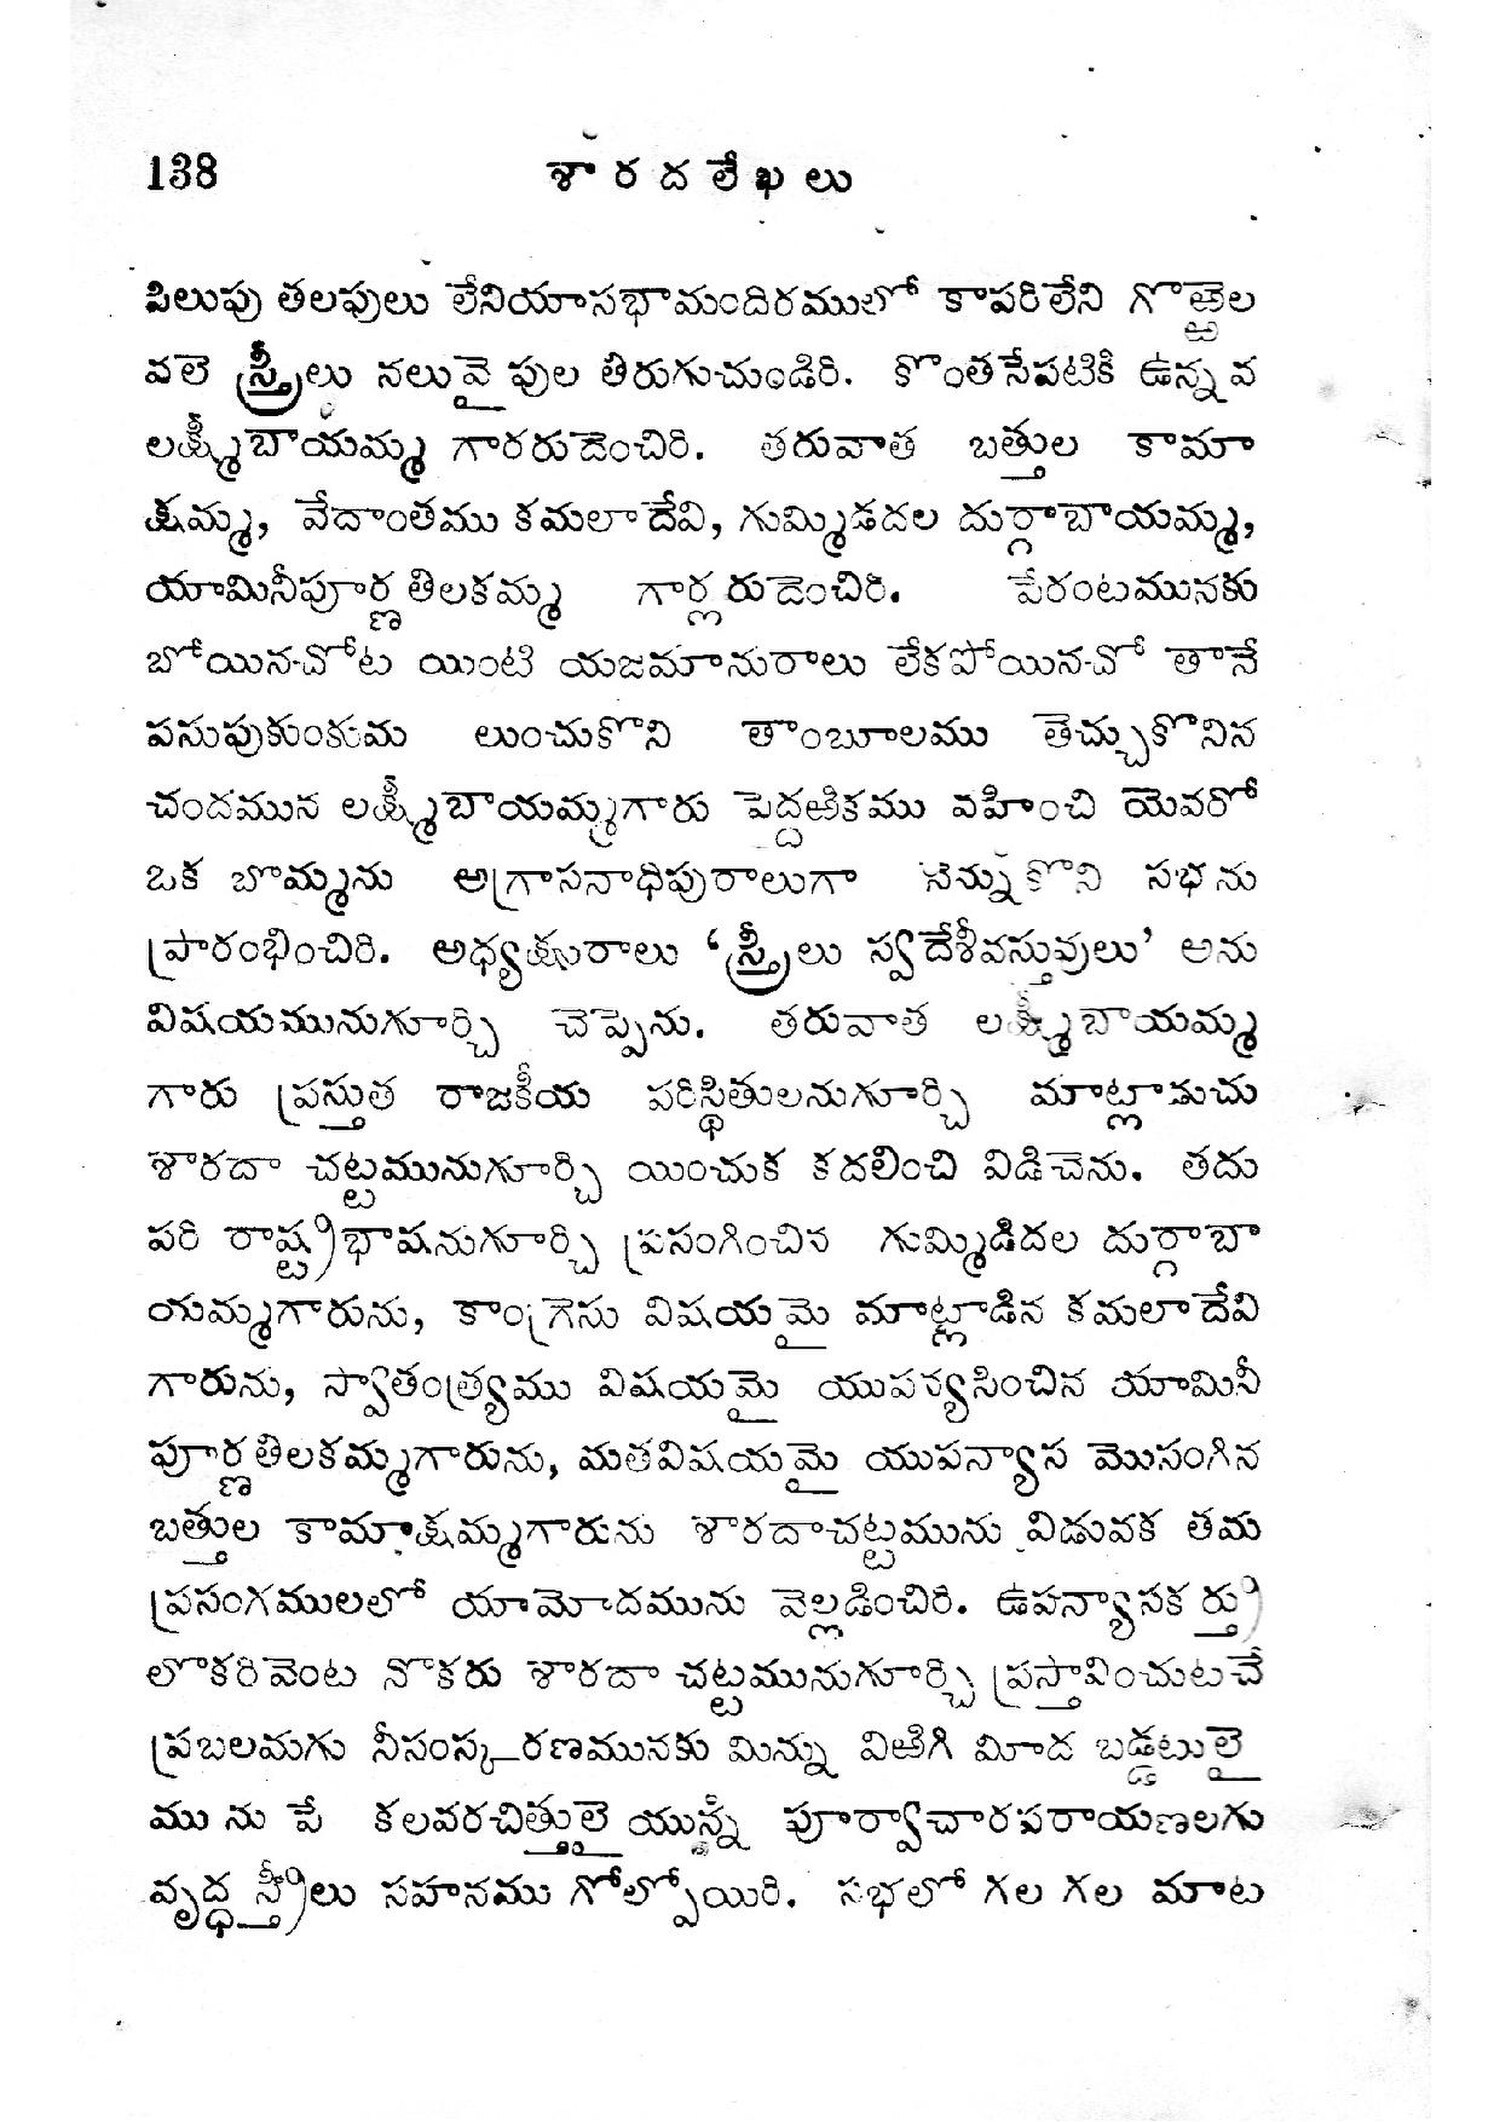పిలుపు తలపులు లేనియాసభామందిరములో కాపరిలేని గొఱ్ఱెలవలె స్త్రీలు నలువైపుల తిరుగుచుండిరి. కొంతసేపటికి ఉన్నవ లక్ష్మీబాయమ్మ గారరుదెంచిరి. తరువాత బత్తుల కామాక్షమ్మ, వేదాంతము కమలాదేవి, గుమ్మిడదల దుర్గాబాయమ్మ, యామినీపూర్ణతిలకమ్మ గార్లరుదెంచిరి. పేరంటమునకు
బోయినచోట యింటి యజమానురాలు లేకపోయినచో తానే పసుపుకుంకుమ లుంచుకొని తాంబూలము తెచ్చుకొనిన చందమున లక్ష్మీబాయమ్మగారు పెద్దఱికము వహించి యెవరో ఒక బొమ్మను అగ్రాసనాధిపురాలుగా నెన్నుకొని సభను ప్రారంభించిరి. అధ్యక్షురాలు 'స్త్రీలు స్వదేశీవస్తువులు' అను
విషయమునుగూర్చి చెప్పెను. తరువాత లక్ష్మీబాయమ్మగారు ప్రస్తుత రాజకీయ పరిస్థితులనుగూర్చి మాట్లాడుచు శారదా చట్టమునుగూర్చి యించుక కదలించి విడిచెను. తదుపరి రాష్ట్రభాషనుగూర్చి ప్రసంగించిన గుమ్మిడిదల దుర్గాబాయమ్మగారును, కాంగ్రెసు విషయమై మాట్లాడిన కమలాదేవిగారును, స్వాతంత్ర్యము విషయమై యుపన్యసించిన యామినీ పూర్ణతిలకమ్మగారును, మతవిషయమై యుపన్యాస మొసంగిన బత్తుల కామాక్షమ్మగారును శారదాచట్టమును విడువక తమ ప్రసంగములలో యామోదమును వెల్లడించిరి. ఉపన్యాసకర్త్రు లొకరివెంట నొకరు శారదా చట్టమునుగూర్చి ప్రస్తావించుటచే ప్రబలమగు నీసంస్కరణమునకు మిన్ను విఱిగి మీద బడ్డటులై మునుపే కలవరచిత్తులైయున్న పూర్వాచారపరాయణలగు
వృద్ధస్త్రీలు సహనము గోల్పోయిరి. సభలో గల గల మాట